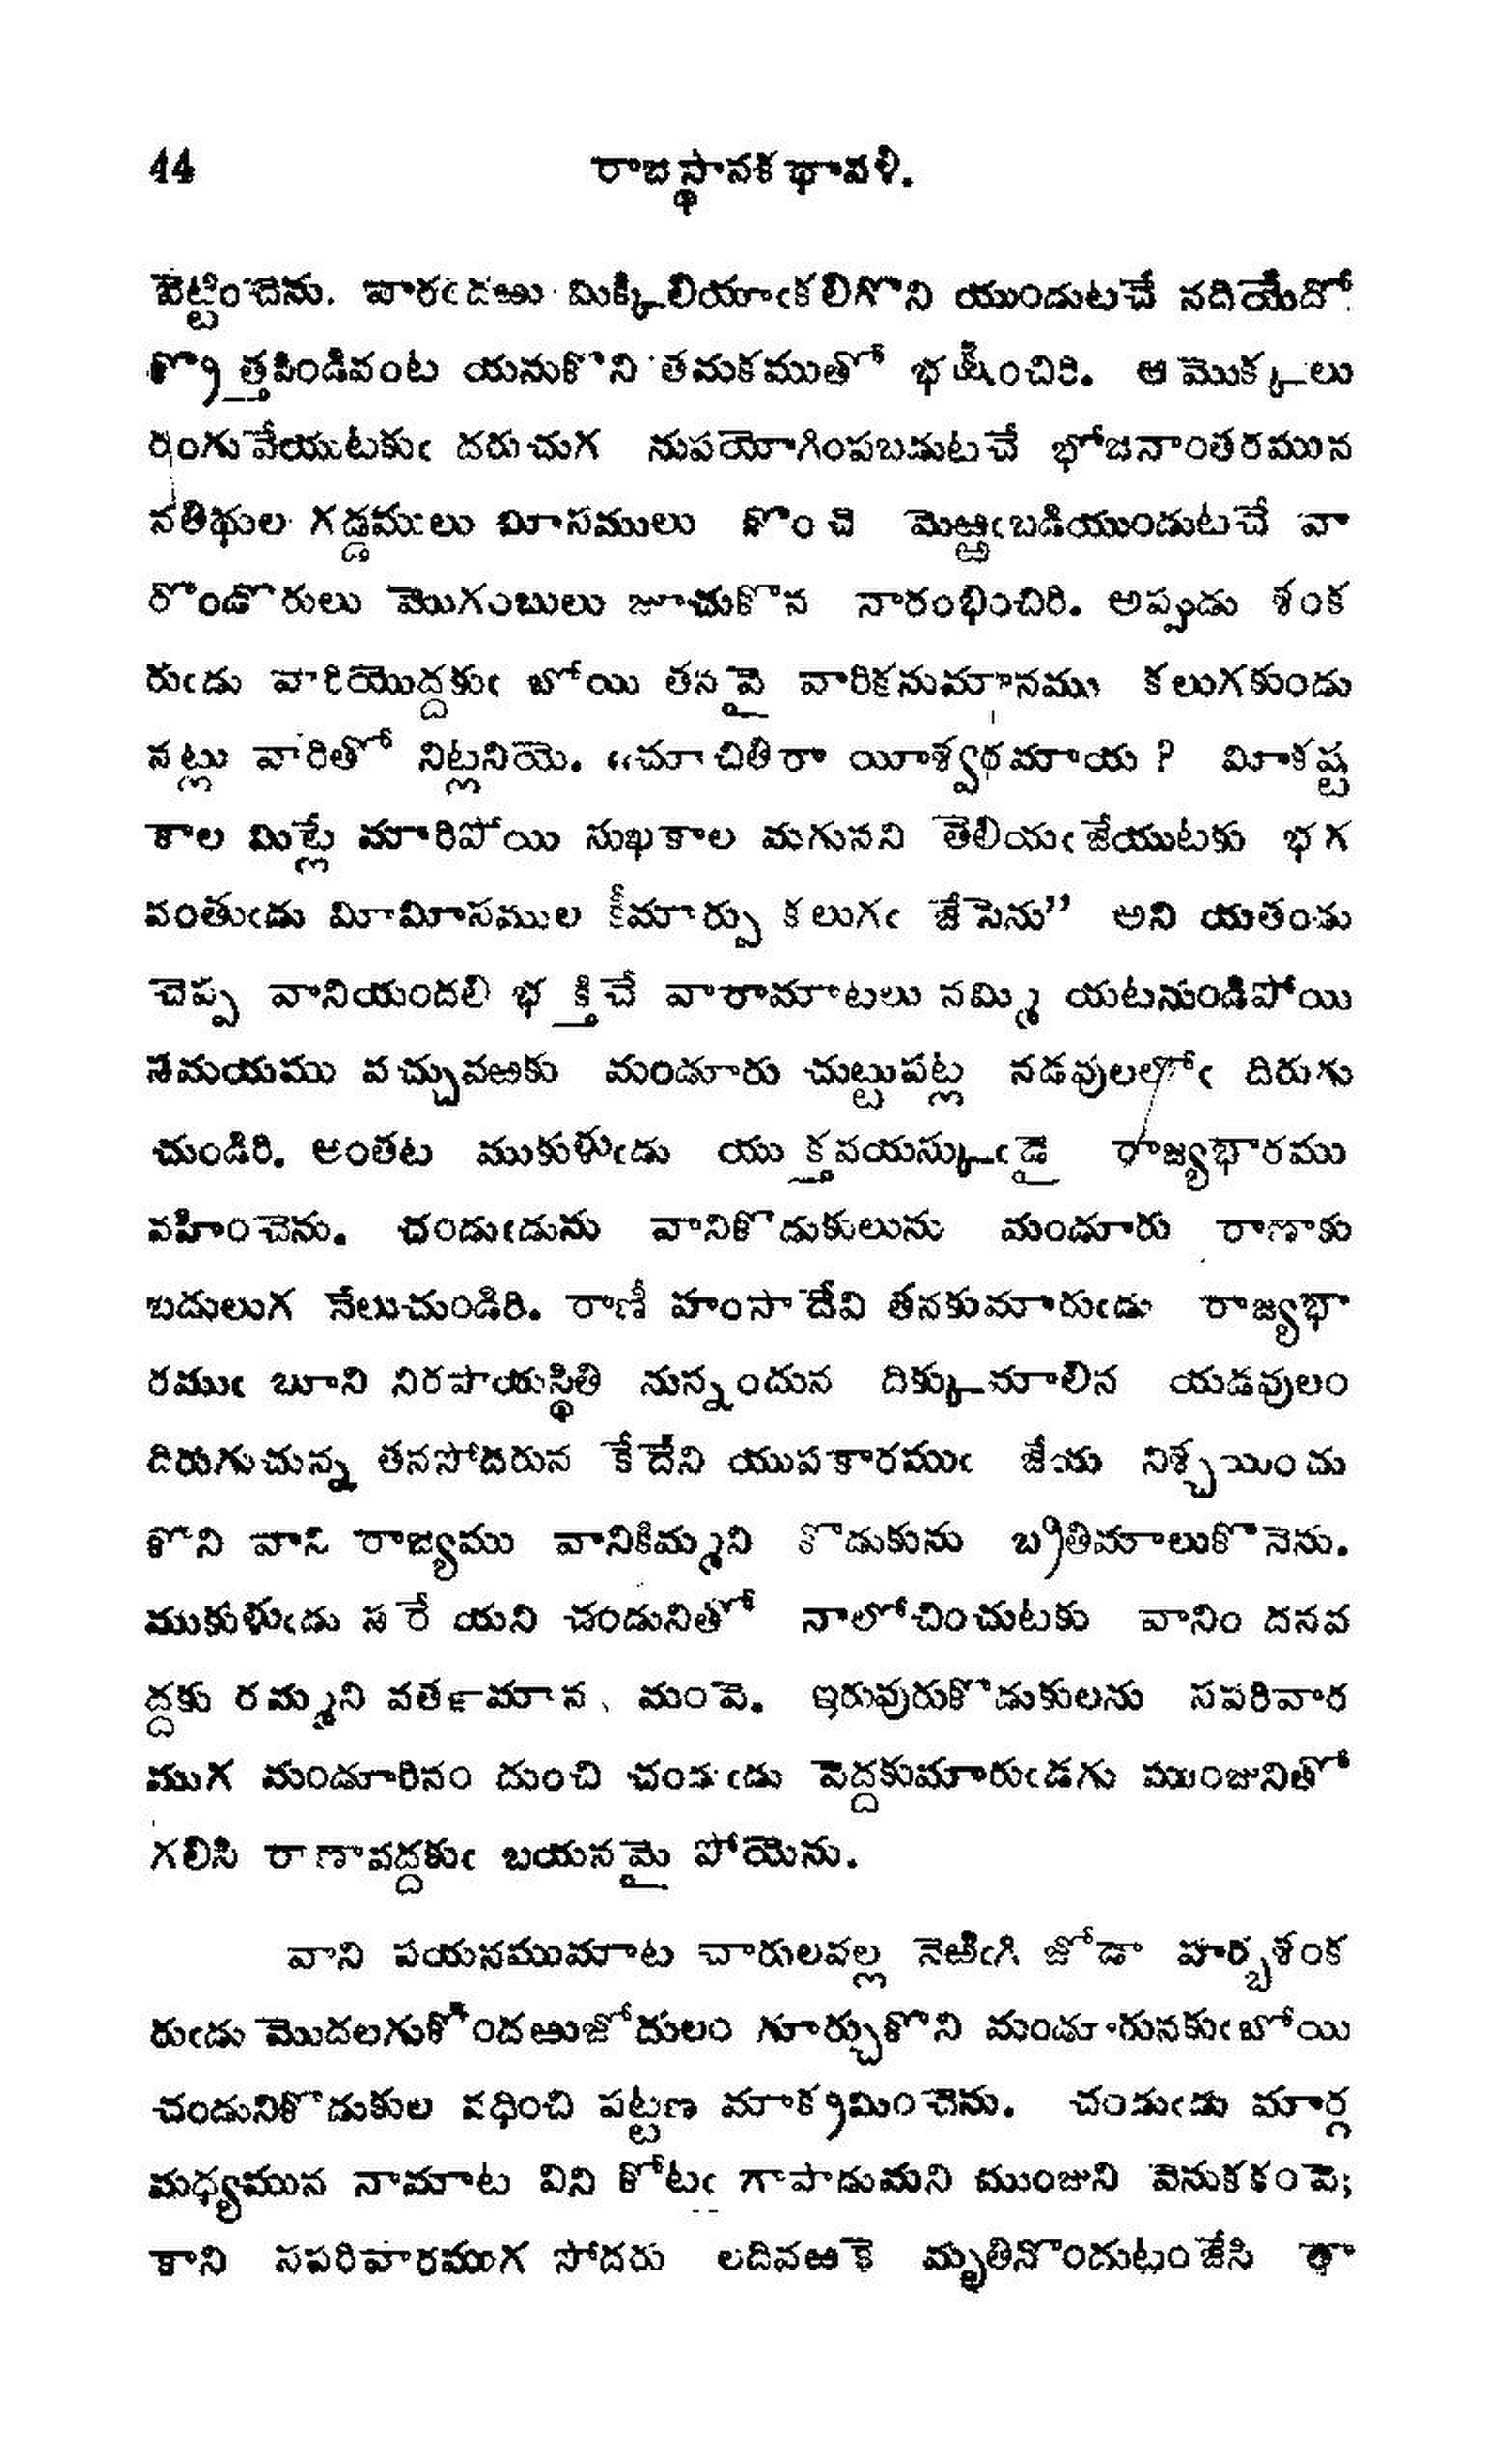బెట్టించేను. వారందఱు మిక్కిలియాఁకలిగొని యుండుటచే నది యేదో కొత్త పిండివంట యనుకొని తమకముతో భక్షించిరి. ఆ మొక్కలు
రంగు వేయుటకుఁ దరుచుగ నుపయోగింపబడుటచే భోజనాంతరమున నతిథుల గడ్డములు మీసములు కొంచె మెఱ్ఱఁబడియుండుటచే వా
రొండొరులు మొగంబులు జూచుకొన నారంభించిరి. అప్పుడు శంకరుఁడు వారియొద్దకుఁ బోయి తనపై వారికనుమానము కలుగకుండు
నట్లు వారితో నిట్లనియె. "చూచితిరా యీశ్వరమాయ? మీకష్టకాల మిట్లే మారిపోయి సుఖకాల మగునని తెలియఁ జేయుటకు భగవంతుఁడు మీమీసముల కీమార్పు కలుగఁ జేసెను” అని యతండు చెప్ప వానియందలి భక్తిచే వారామాటలు నమ్మి యటనుండిపోయి సమయము వచ్చువఱకు మండూరు చుట్టుపట్ల నడవులలోఁ దిరుగుచుండిరి. అంతట ముకుళుఁడు యుక్తవయస్కుడై రాజ్యభారము వహించెను. చండుఁడును వానికొడుకులును మండూరు రాణాకు బదులుగ నేలుచుండిరి. రాణీ హంసాదేవి తనకుమారుఁడు రాజ్యభారముఁ బూని నిరపాయస్థితి నున్నందున దిక్కుమాలిన యడవులం దిరుగుచున్న తనసోదరున కేదేని యుపకారముఁ జేయ నిశ్చయించుకోని వాని రాజ్యము వానికిమ్మని కొడుకును బ్రతిమాలుకొనెను. ముకుళుఁడు సరే యని చండునితో నాలోచించుటకు వానిం దనవద్దకు రమ్మని వత౯మాన, మంపె. ఇరువురుకొడుకులను సపరివారముగ మండూరినం దుంచి చండుఁడు పెద్దకుమారుఁడగు ముంజునితో గలిసి రాణావద్దకుఁ బయనమై పోయెను.

వాని పయనముమాట చారులవల్ల నెఱిఁగి జోడా హర్బశంకరుఁడు మొదలగుకొందఱుజోదులం గూర్చుకొని మండూరునకుఁ బోయి చండుని కొడుకుల వధించి పట్టణ మాక్రమించెను. చండుఁడు మార్గ మధ్యమున నామాట విని కోటఁ గాపాడుమని ముంజుని వెనుకకంపె; కాని సపరివారముగ సోదరు లదివఱకె మృతినొందుటం జేసి తా